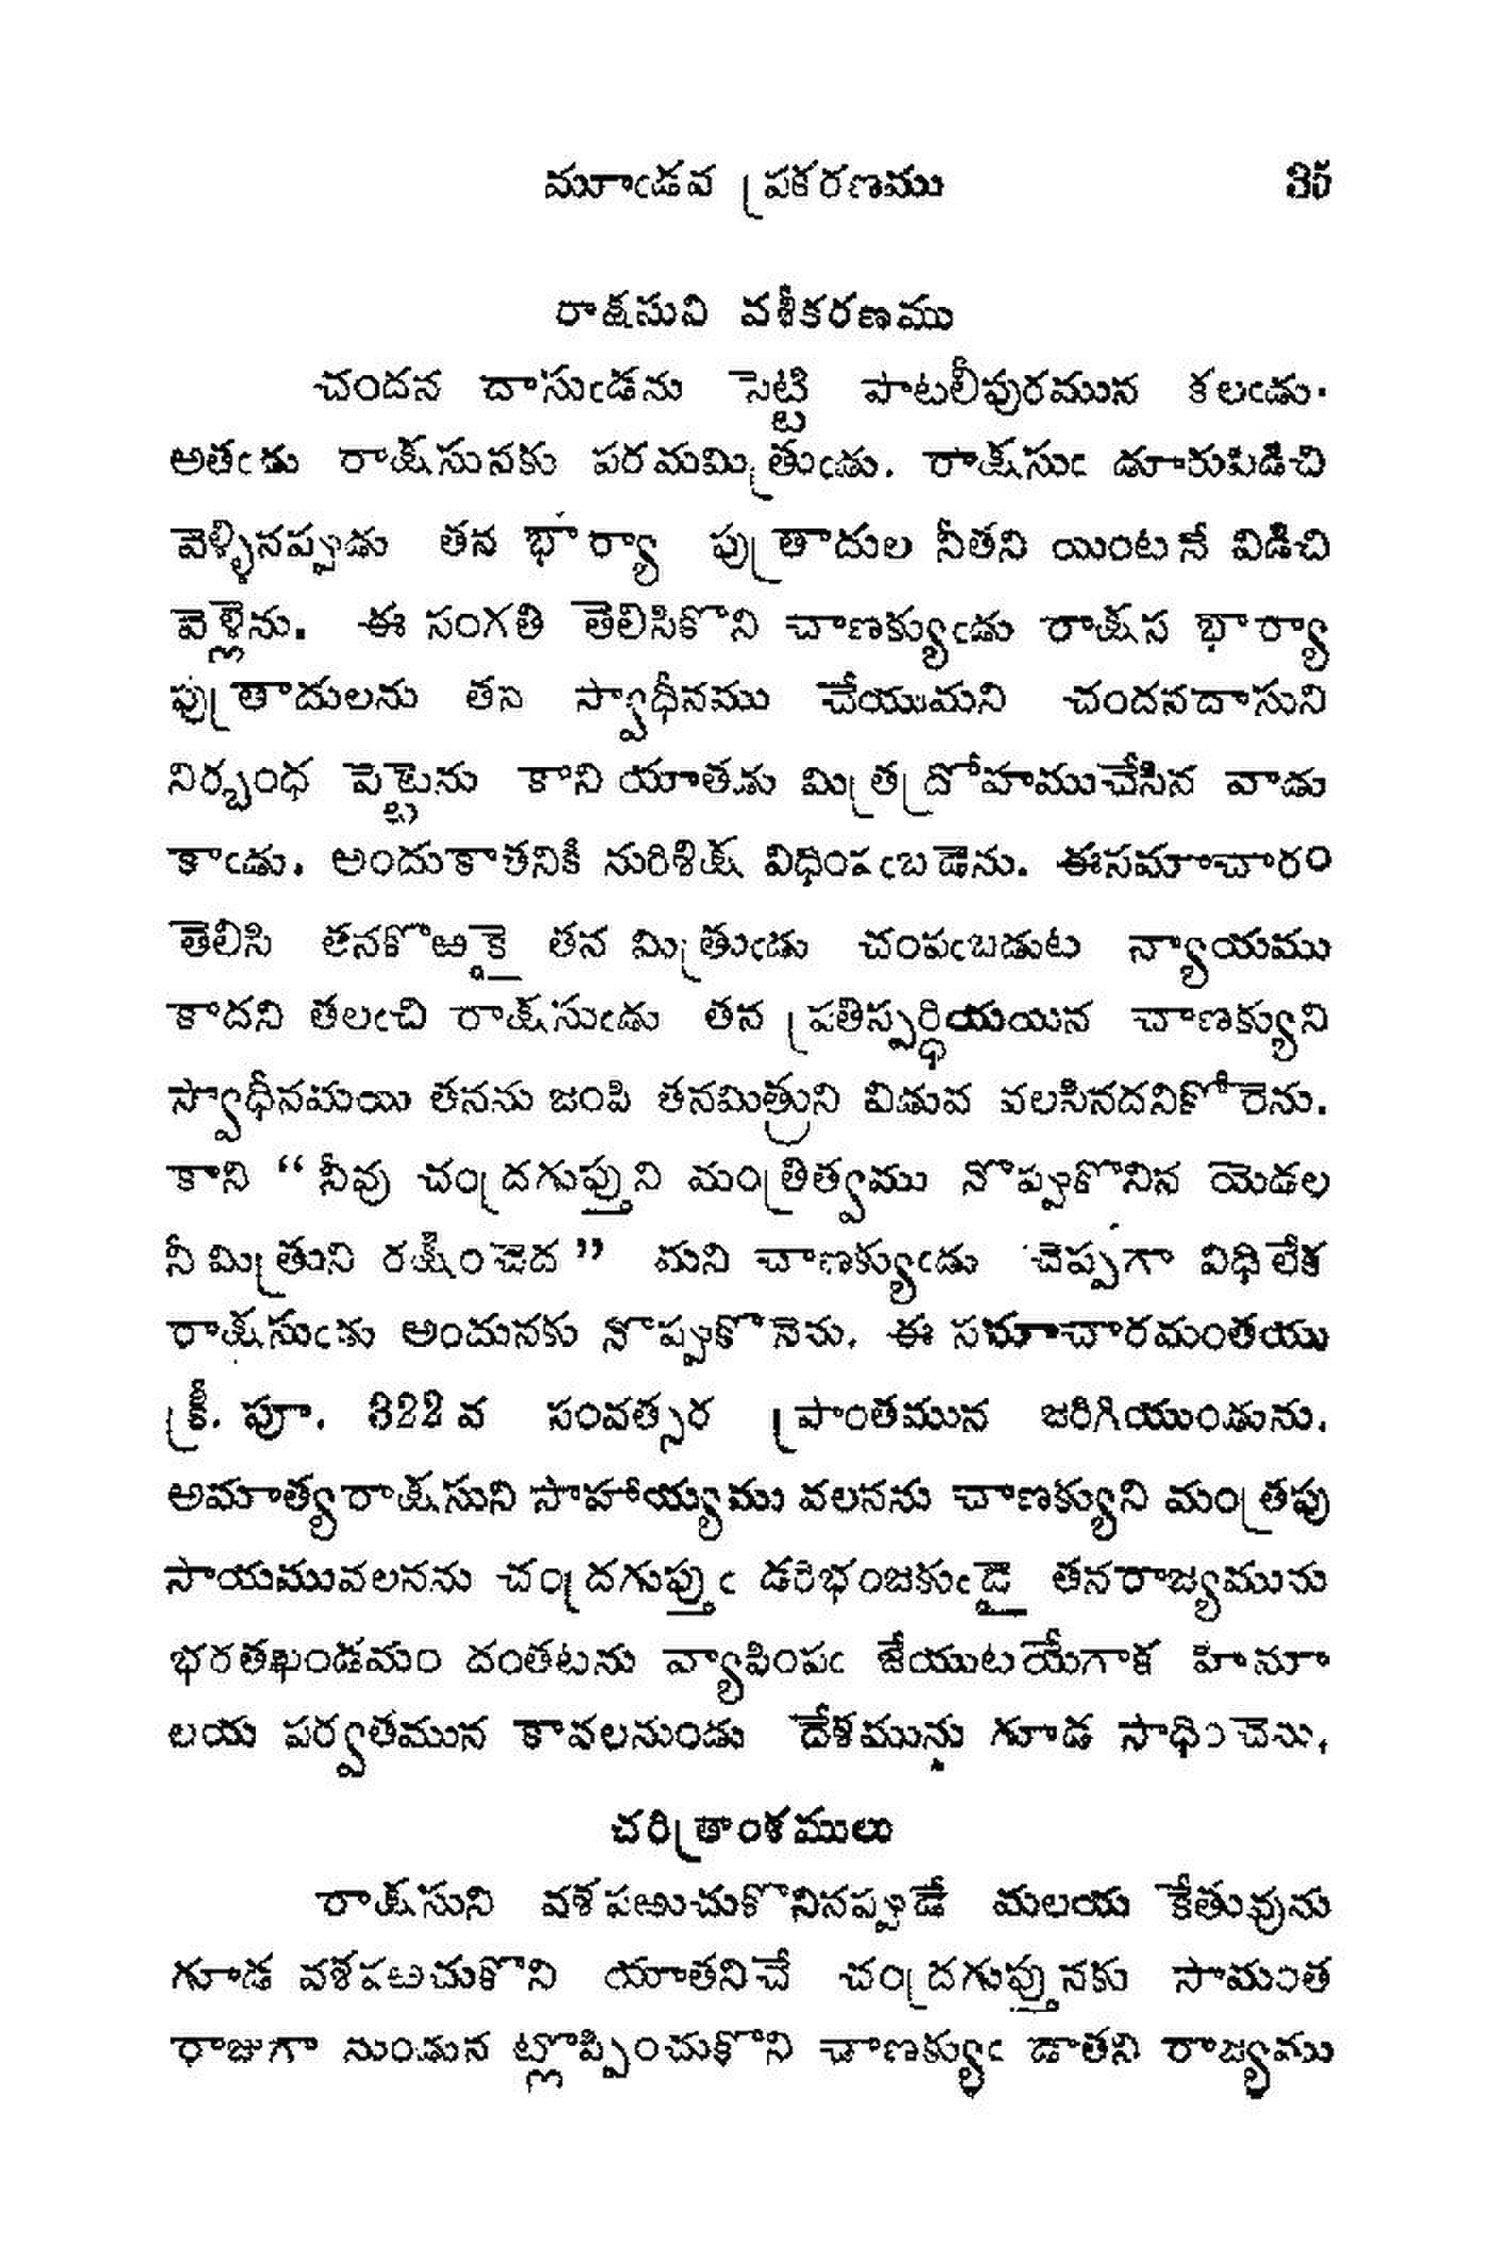రాక్షసుని వశీకరణము 

చందన దాసుఁడను సెట్టి పాటలీపురమున కలఁడు. అతఁడు రాక్షసునకు పరమమిత్రుఁడు. రాక్షసుఁ డూరువిడిచి వెళ్ళినప్పుడు తన భార్యా పుత్రాదుల నీతని యింటనే విడిచి వెళ్లెను. ఈ సంగతి తెలిసికొని చాణక్యుఁడు రాక్షస భార్యా పుత్రాదులను తన స్వాధీనము చేయుమని చందనదాసుని నిర్భంధ పెట్టెను కాని యాతడు మిత్రద్రోహముచేసిన వాడు కాఁడు. అందుకాతనికి నురిశిక్ష విధంపఁబడెను. ఈసమాచారం తెలిసి తనకొఱకై తన మిత్రుఁడు చంపఁబడుట న్యాయము కాదని తలఁచి రాక్షసుఁడు తన ప్రతిస్పర్ధియయిన చాణక్యుని స్వాధీనమయి తనను జంపి తనమిత్రుని విడువ వలసినదనికోరెను. కాని "నీవు చంద్రగుప్తుని మంత్రిత్వము నొప్పుకొనిన యెడల నీ మిత్రుని రక్షించెద ” మని చాణక్యుడు చెప్పగా విధిలేక రాకుసుఁడు అందునకు నొప్పుకొనెను. ఈ సమాచారమంతయు క్రీ. పూ. 322వ సంవత్సర ప్రాంతమున జరిగియుండును. అమాత్యరాక్షసుని సాహాయ్యము వలనను చాణక్యుని మంత్రపు సాయమువలనను చంద్రగుప్తుఁ డరిభంజకుఁడై తనరాజ్యమును భరతఖండమం దంతటను వ్యాపింపఁ జేయుటయేగాక హిమాలయ పర్వతమున కావలనుండు దేశమును గూడ సాధించెను,

చరిత్రాంశములు 

రాక్షసుని వశపఱుచుకొనినప్పుడే మలయ కేతువును గూడ వశపఱచుకొని యాతనిచే చంద్రగుప్తునకు సామంత రాజుగా నుండున ట్లొప్పించుకొని చాణక్యుఁ డాతని రాజ్యము